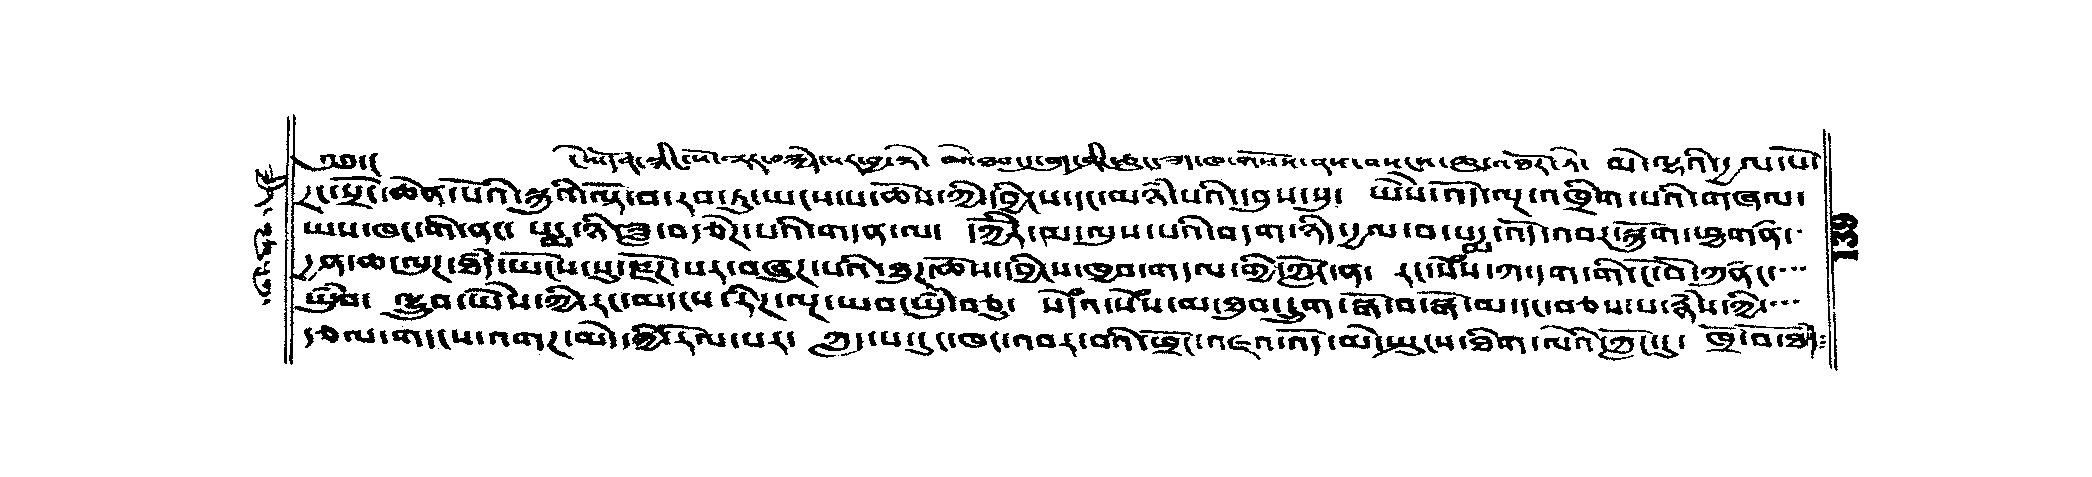ངེས་དོན་སྙིང་པོ་ལྟར་བསྐྱེད་པར་བྱ་སྟེ། མེ་ཐབ་དུ་དུག་ཤིང་ཅུང་ཟད་ཁ་གསོས་ནས་བསངས་ཆུ་འཐོར་ཏེ། མེ་ལྷའི་རྒྱལ་པོ་
དྲང་སྲོང་ཆེན་པོའི་སྐུའི་རབ་ཏུ་ཡངས་པ་ཆོས་ཀྱི་དབྱིངས་དང་མཉམ་པའི་དབུས་སུ། ཡེ་ཤེས་འོད་ལྔ་འཁྲིག་པའི་གཞལ་
ཡས་ཁང་གི་ནང་། པདྨ་ཉི་ཟླ་བརྩེགས་པའི་གདན་ལ། དཀྱིལ་འཁོར་མ་ལུས་པའི་བདག་ཉིད་རྒྱལ་བ་པདྨ་འོད་འབར་སྐུ་མདོག་ཕྱག་མཚན་
རྒྱན་ཆ་ལུགས་ཐམས་ཅད་ཡོངས་སུ་རྫོགས་པར་བཞུགས་པའི་ཐུགས་ཆོས་དབྱིངས་ཁྱབ་གདལ་གྱི་ཀློང་ན།རང་སེམས་ཀ་དག་གི་ངོ་བོ་ཀུན་
བཟང་ཡབ་ཡུམ། ལྷུན་གྲུབ་ཡེ་ཤེས་ཀྱི་རང་མདངས་རིགས་ལྔ་ཡབ་ཡུམ་བཅུ། སེམས་དཔའ་སེམས་དམའ་ཐུབ་དྲུག་སྒོ་བ་སྒོ་མ་དང་བཅས་པ་རྣམས་ཀྱི་
རྩལ་གདངས་འགག་མེད་ཀྱི་རོལ་པར། ཀླད་པ་དུང་ཁང་འབར་བའི་ཕོ་བྲང་འཇའ་འོད་མེ་སྤུངས་ཐིག་ལེའི་ཀློང་དུ། ཁྲོ་བོ་ཐམས་ཅད་